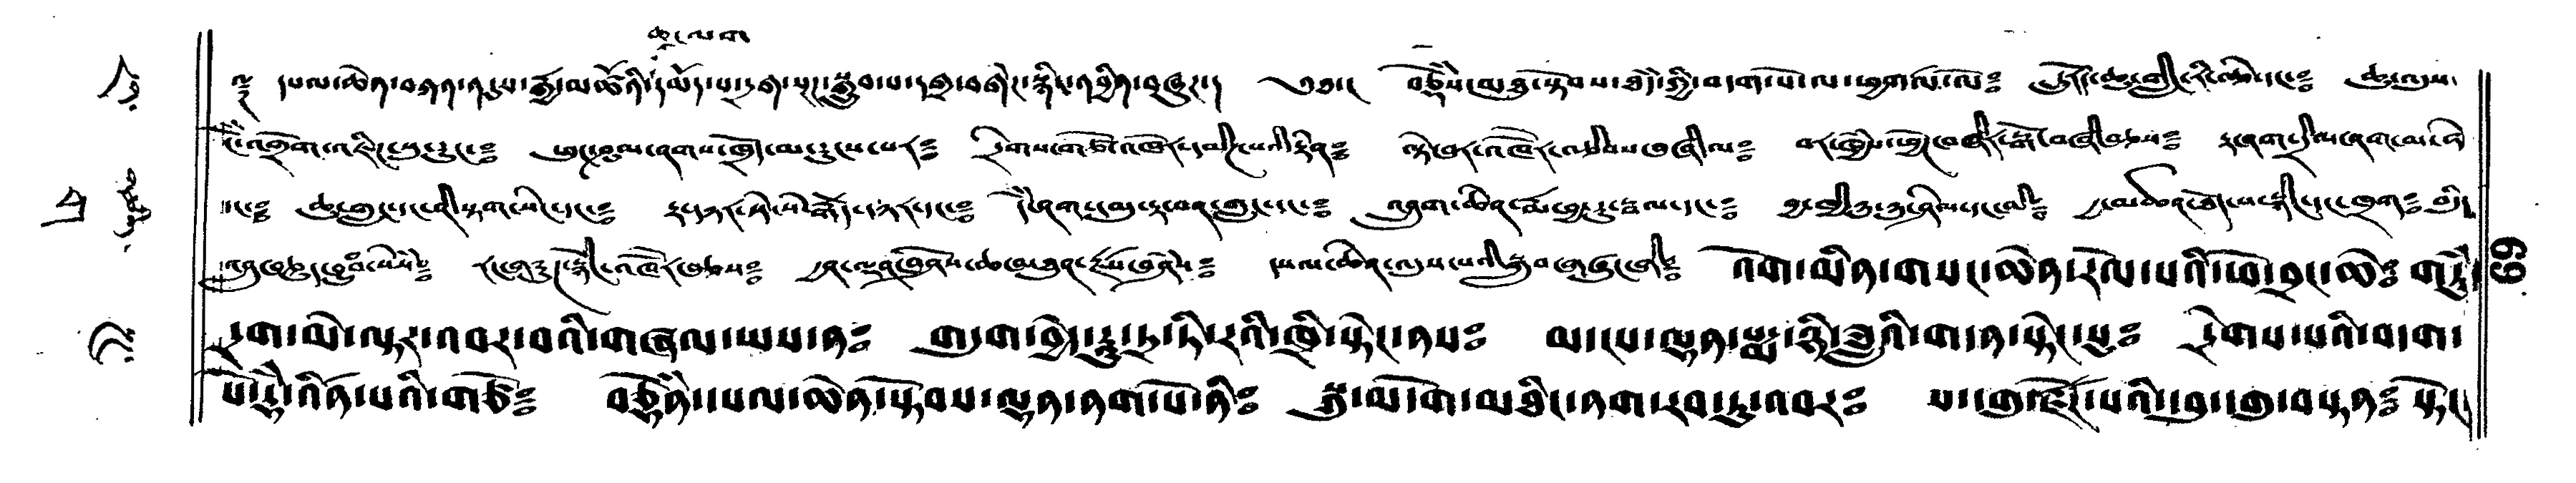དཔལ་ཆེན་བཀའ་འདུས་རྒྱ་མཚོའི་ཆ་ལག་དམོད་པ་དྲག་སྔགས་སྒྲུབ་པ་དགྲ་བགེགས་སྙིང་འབྱིན་བཞུགས། ༄༅། བཅོམ་ལྡན་འདས་མཐུ་སྟོབས་ཐམས་ཅད་ཀྱི་བདག་པོ་ལ་ཕྱག་འཚལ་ལོ༔ དུད་ཁྲོད་ཆུ་གླིང་རི་རྩེ་དང༔ ཆུ་འདུས་
ངམ་གྲོག་འཇིགས་སུ་རུང༔ ཕུང་ཤུལ་ནགས་ཁྲོད་མ་རུངས་པར༔ དྲེགས་པའི་གཙོ་འཁོར་དམིགས་པའི་རྟེན༔ ལྟེ་བར་འཁོར་ལོ་རྩིབས་བཞི་ལ༔ བར་ཁྱམས་ཕྱོགས་བཞིར་སྒོ་བཞི་བཅས༔ རྟ་ནག་དྲེལ་ནག་མ་ཧེ་
དང༔ ཆུ་གླང་དང་ནི་སྟག་སེང་དང༔ རྟ་དཀར་ནེ་ཙོ་རྒོད་དཀར་དང༔ དོམ་ནག་དམུ་རྟ་བ་གླང་དང༔ འབྲུག་ཆེན་རྨ་བྱ་རུས་སྦལ་དང༔ བྱ་ཁྱི་ཀུ་ཀུ་ཤེལ་དང་མི༔ རྒྱ་མཚན་ཐོད་པ་སྙིང་དང་ཁྲག༔ བདུད་
རྩི་འབྲུ་བཅུད་བྱང་ཆུབ་སེམས༔ རང་གཟུགས་སྙིང་པོ་འཁོར་ལོ་བཅས༔ རྒྱན་ལྡན་བཤོས་ཆ་མཐུན་རྫས་བཤམས༔ དཔལ་ཆེན་འདུས་པའི་སྒྲུབ་གཞུང་གི༔ འོག་མིན་གསང་ཆེན་རོལ་པའི་ཕོ་བྲང་ཆེཿ གཏུམ་
དྲག་མེ་ལྟར་འབར་བའི་གཞལ་ཡས་ནཿ གདུག་བྱེད་རཱུ་ཏྲ་ཏི་རའི་ཁྲི་སྟེང་ནསཿ མདངས་ལྡན་པདྨ་ཉི་ཟླའི་གདན་སྟེང་དུཿ དྲེགས་པའི་བདག་
པོ་རྡོ་རྗེ་འཛིན་པའི་གཙོཿ བཅོམ་ལྡན་དཔལ་ཆེན་སྟོབས་ལྡན་ནག་པོ་ནིཿ སྐུ་མདོག་མཐིང་ནག་རབ་ཏུ་འབར༔ ས་དགུ་རྫོགས་པའི་དབུ་དགུ་བསྟནཿ སྟོང་